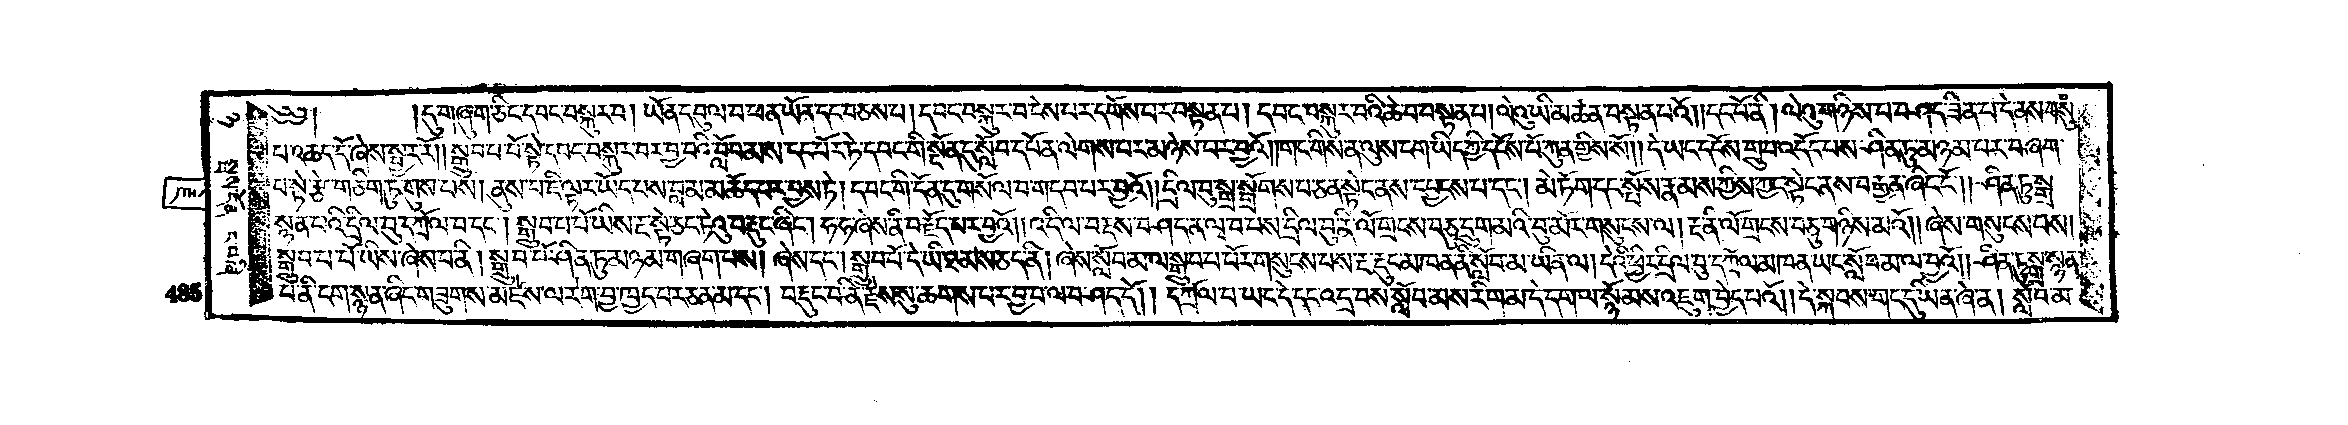༄༅། །དུ་གཞུག་ཅིང་དབང་བསྐུར་བ། ཡོན་དབུལ་བ་ཕན་ཡོན་དང་བཅས་པ། དབང་བསྐུར་བ་ངེས་པར་དགོས་པར་བསྟན་པ། དབང་བསྐུར་བའི་ཆེ་བ་བསྟན་པ། ལེའུ་ཡི་མཚན་བསྟན་པའོ། །དང་པོ་ནི། ལེའུ་གཉིས་པ་བཤད་ཟིན་པ་དེ་ནས་གསུམ་
པ་འཆད་དོ་ཞེས་སྦྱར་རོ། །སྒྲུབ་པ་པོ་སྟེ་དབང་བསྐུར་བར་བྱ་བའི་བློབ་མས་དང་པོར་ཏེ་དབང་གི་སྔོན་དུ་སློབ་དཔོན་ལེགས་པར་མཉེས་པར་བྱའོ། །གང་གིས་ན་ལུས་ངག་ཡིད་ཀྱི་དངོས་པོ་ཀུན་གྱིས་སོ། །དེ་ཡང་དངོས་གྲུབ་འདོད་པས་ཤིན་ཏུ་མཉམ་པར་བཞག་
པ་སྟེ་རྩེ་གཅིག་ཏུ་གུས་པས། ནུས་པ་ཇི་ལྟར་ཡོད་པས་བླ་མ་མཆོད་པར་བྱས་ཏེ། དབང་གི་དོན་དུ་གསོལ་བ་གདབ་པར་བྱའོ། །དྲིལ་བུ་སྒྲ་སྒྲོགས་པ་ཅན་སྟེང་ནས་དཔྱངས་པ་དང་། མེ་ཏོག་དང་སྤོས་རྣམས་ཀྱིས་ཀྱང་སྟེང་ནས་བརྒྱན་ཞིང་ངོ། །ཤིན་ཏུ་སྒྲ་
སྙན་པའི་དྲིལ་བུ་དཀྲོལ་བ་དང་། སྒྲུབ་པ་པོ་ཡིས་རྔ་སྟེ་ཅང་ཏེའུ་བརྡུང་ཞིང་།ཧ་ཧ་ཞེས་ནི་བརྗོད་པར་བྱའོ། །འདི་ལ་བརྡས་བཤད་ན་ལྭ་བ་པས་དྲིལ་བུ་ནི་ལོ་གྲངས་བཅུ་དྲུག་མའི་བུ་མོར་གསུངས་ལ། རྔ་ནི་ལོ་གྲངས་བཅུ་གཉིས་མའོ། །ཞེས་གསུངས་པས།
སྒྲུབ་པ་པོ་ཡིས་ཞེས་པ་ནི། སྒྲུབ་པོ་ཤིན་ཏུ་མཉམ་གཞག་པས། ཞེས་དང་། སྒྲུབ་པོ་དེ་ཡི་ཐམས་ཅད་ནི། ཞེས་སློབ་མ་ལ་སྒྲུབ་པ་པོར་གསུངས་པས་རྔ་རྡུང་མཁན་ནི་སློབ་མ་ཡིན་ལ། དེའི་ཕྱིར་དྲིལ་བུ་དཀྲོལ་མཁན་ཡང་སློབ་མ་ལ་བྱའོ། །ཤིན་ཏུ་སྒྲ་སྙན་
པ་ནི་ངག་སྙན་ཞིང་གཟུགས་མཛེས་ལ་རེག་བྱ་ཁྱད་པར་ཅན་མ་དང་། བརྡུང་བ་ནི་རྗེས་སུ་ཆགས་པར་བྱ་བ་ལ་བཤད་དོ། །དཀྲོལ་པ་ཡང་དེ་དང་འདྲ་བས་སློབ་མས་རིག་མ་དེ་དག་ལ་སྙོམས་འཇུག་བྱེད་པའོ། །དེ་སྐབས་གང་དུ་ཡིན་ཞེ་ན། སློབ་མ་